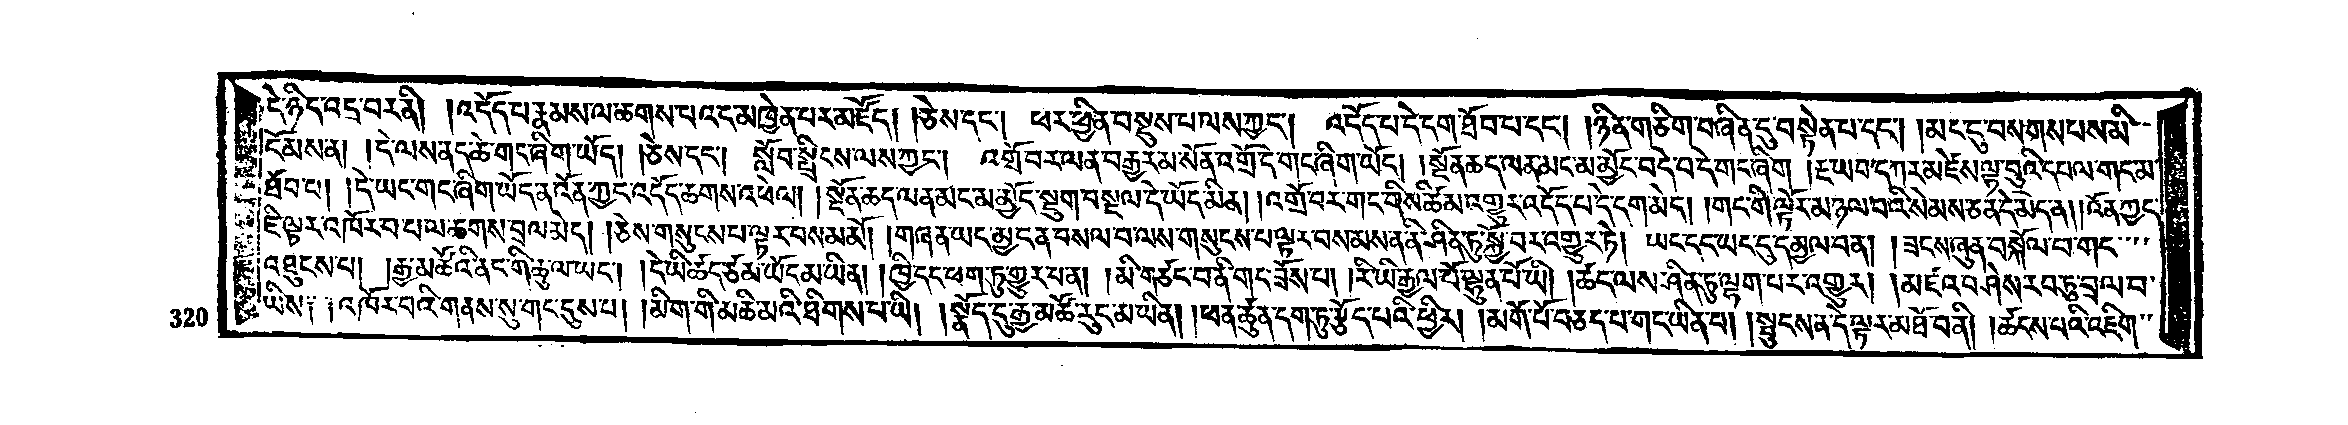དེ་ཉིད་འདྲ་བར་ནི། །འདོད་པ་རྣམས་ལ་ཆགས་པའང་མཁྱེན་པར་མཛོད། །ཅེས་དང་། ཕར་ཕྱིན་བསྡུས་པ་ལས་ཀྱང་། འདོད་པ་དེ་དག་ཐོབ་པ་དང་། །ཉིན་གཅིག་བཞིན་དུ་བསྟེན་པ་དང་། །མང་དུ་བསགས་པས་མི་
ངོམས་ནི། །དེ་ལས་ནད་ཆེ་གང་ཞིག་ཡོད། །ཅེས་དང་། སློབ་སྤྲིངས་ལས་ཀྱང་། འགྲོ་བར་ལན་བརྒྱར་མ་སོན་འགྲོ་དེ་གང་ཞིག་ཡོད། །སྔོན་ཆད་ལན་མང་མ་མྱོང་བདེ་བ་དེ་གང་ཞིག །རྔ་ཡབ་དཀར་མཛེས་ལྟ་བུའི་དཔལ་གང་མ་
ཐོབ་པ། །དེ་ཡང་གང་ཞིག་ཡོད་ན་འོན་ཀྱང་འདོད་ཆགས་འཕེལ། །སྔོན་ཆད་ལན་མང་མ་མྱོང་སྡུག་བསྔལ་དེ་ཡོད་མིན། །འགྲོ་བར་གང་གིས་ཚིམ་འགྱུར་འདོད་པ་དེ་དག་མེད། །གང་གི་ལྟོར་མ་ཉལ་བའི་སེམས་ཅན་དེ་མེད་ན། །འོན་ཀྱང་
ཇི་ལྟར་འཁོར་བ་པ་ལ་ཆགས་བྲལ་མེད། །ཅེས་གསུངས་པ་ལྟར་བསམ་མོ། །གཞན་ཡང་མྱ་ངན་བསལ་བ་ལས་གསུངས་པ་ལྟར་བསམས་ན་ནི་ཤིན་ཏུ་སྐྱོ་བར་འགྱུར་ཏེ། ཡང་དང་ཡང་དུ་དམྱལ་བ་ན། །ཟངས་ཞུན་བསྐོལ་བ་གང་
འཐུངས་པ། །རྒྱ་མཚོའི་ནང་གི་ཆུ་ལ་ཡང་། །དེ་ཡི་ཚད་ཙམ་ཡོད་མ་ཡིན། །ཁྱི་དང་ཕག་ཏུ་གྱུར་པ་ན། །མི་གཙང་བ་ནི་གང་ཟོས་པ། །རི་ཡི་རྒྱལ་པོ་ལྷུན་པོ་ཡི། །ཚད་ལས་ཤིན་ཏུ་ལྷག་པར་འགྱུར། །མཛའ་བཤེས་རབ་ཏུ་བྲལ་བ་
ཡིས༑ ༑འཁོར་བའི་གནས་སུ་གང་དུས་པ། །མིག་གི་མཆི་མའི་ཐིགས་པ་ཡི། །སྣོད་དུ་རྒྱ་མཚོ་རུང་མ་ཡིན། །ཕན་ཚུན་དག་ཏུ་རྩོད་པའི་ཕྱིར། །མགོ་བོ་བཅད་པ་གང་ཡིན་པ། །སྤུངས་ན་དེ་ལྟར་མཐོ་བ་ནི། །ཚངས་པའི་འཇིག་